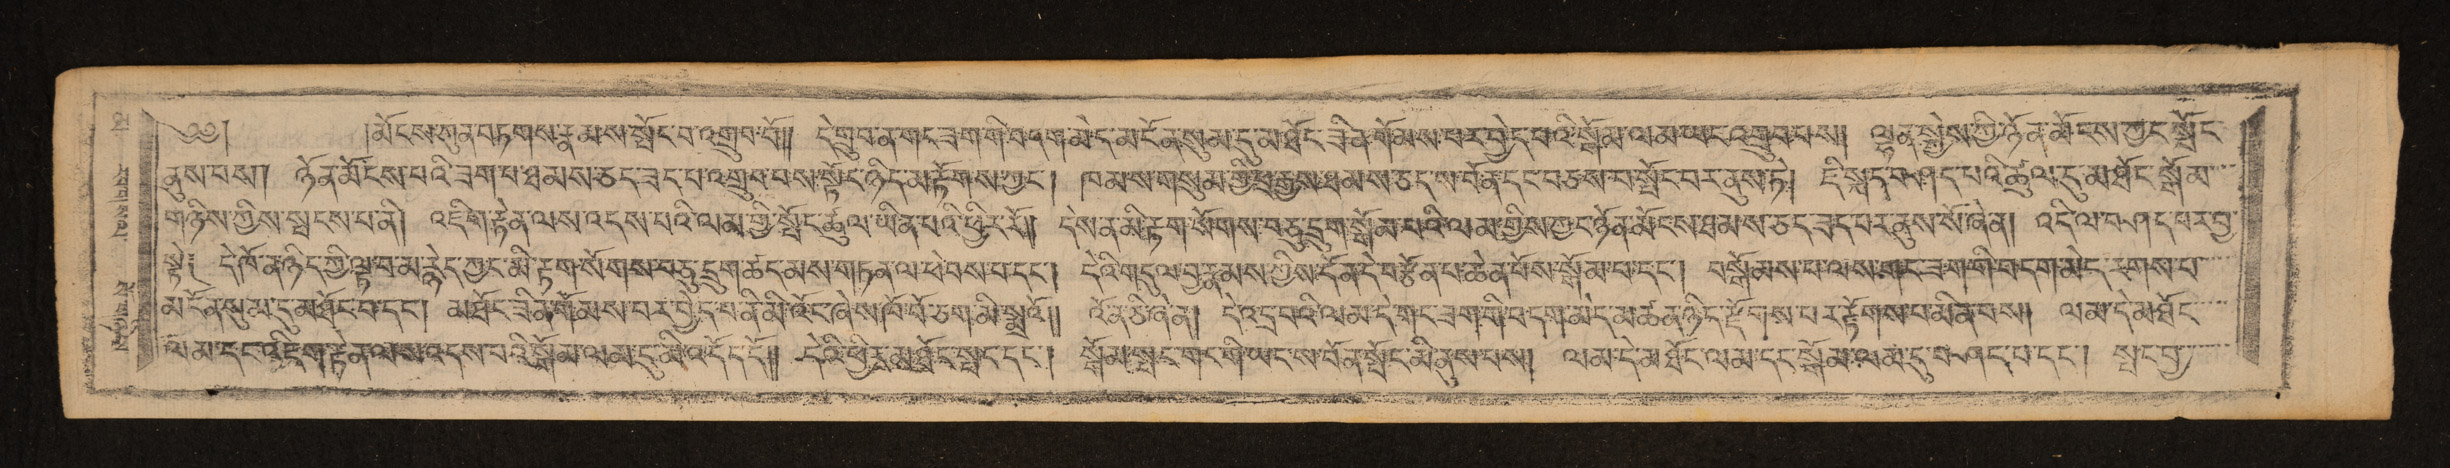༄༅། །མོངས་ཀུན་བརྟགས་རྣམས་སྤོང་བ་འགྲུབ་བོ།། དེ་གྲུབ་ན་གང་ཟག་གི་བདག་མེད་མངོན་སུམ་དུ་མཐོང་ཟིན་གོམས་པར་བྱེད་པའི་སྒོམ་ལམ་ཡང་འགྲུབ་པས། ལྷན་སྐྱེས་ཀྱི་ཉོན་མོངས་ཀྱང་སྤོང་
ནུས་པས། ཉོན་མོངས་པའི་ཟག་པ་ཐམས་ཅད་ཟད་པ་འགྲུབ་པས་སྟོང་ཉིད་མ་རྟོགས་ཀྱང་། ཁམས་གསུམ་གྱི་ཕྲ་རྒྱས་ཐམས་ཅད་ས་བོན་དང་བཅས་པ་སྤོང་བར་ནུས་ཏེ། ཇི་སྐད་བཤད་པའི་ཚུལ་དུ་མཐོང་སྒོམ་
གཉིས་ཀྱིས་སྤངས་པ་ནི། འཇིག་རྟེན་ལས་འདས་པའི་ལམ་གྱི་སྤོང་ཚུལ་ཡིན་པའི་ཕྱིར་རོ།། དེས་ན་མི་རྟག་སོགས་བཅུ་དྲུག་སྒོམ་པའི་ལམ་གྱིས་ཀྱང་ཉོན་མོངས་ཐམས་ཅད་ཟད་པར་ནུས་སོ་ཞེ་ན། འདི་ལ་བཤད་པར་བྱ་
སྟེ༑ དེ་ཁོ་ན་ཉིད་ཀྱི་ལྟ་བ་མ་རྙེད་ཀྱང་མི་རྟག་སོགས་བཅུ་དྲུག་ཚད་མས་གཏན་ལ་ཕེབས་པ་དང་། དེའི་གདུལ་བྱ་རྣམས་ཀྱིས་དོན་དེ་བརྩོན་པ་ཆེན་པོས་སྒོམ་པ་དང་། བསྒོམས་པ་ལས་གང་ཟག་གི་བདག་མེད་རགས་པ་
མངོན་སུམ་དུ་མཐོང་བ་དང་། མཐོང་ཟིན་གོམས་པར་བྱེད་པ་ནི་མི་འོང་ཞེས་ཁོ་བོ་ཅག་མི་སྨྲའོ།། འོ་ན་ཅི་ཞེ་ན། དེ་འདྲ་བའི་ལམ་དེ་གང་ཟག་གི་བདག་མེད་མཚན་ཉིད་རྫོགས་པར་རྟོགས་པ་མིན་པས། ལམ་དེ་མཐོང་
ལམ་དང་འཇིག་རྟེན་ལས་འདས་པའི་སྒོམ་ལམ་དུ་མི་འདོད་དོ།། དེའི་ཕྱིར་མཐོང་སྤང་དང་། སྒོམ་སྤང་གང་གི་ཡང་ས་བོན་སྤོང་མི་ནུས་པས། ལམ་དེ་མཐོང་ལམ་དང་སྒོམ་ལམ་དུ་བཤད་པ་དང་། སྤང་བྱ་